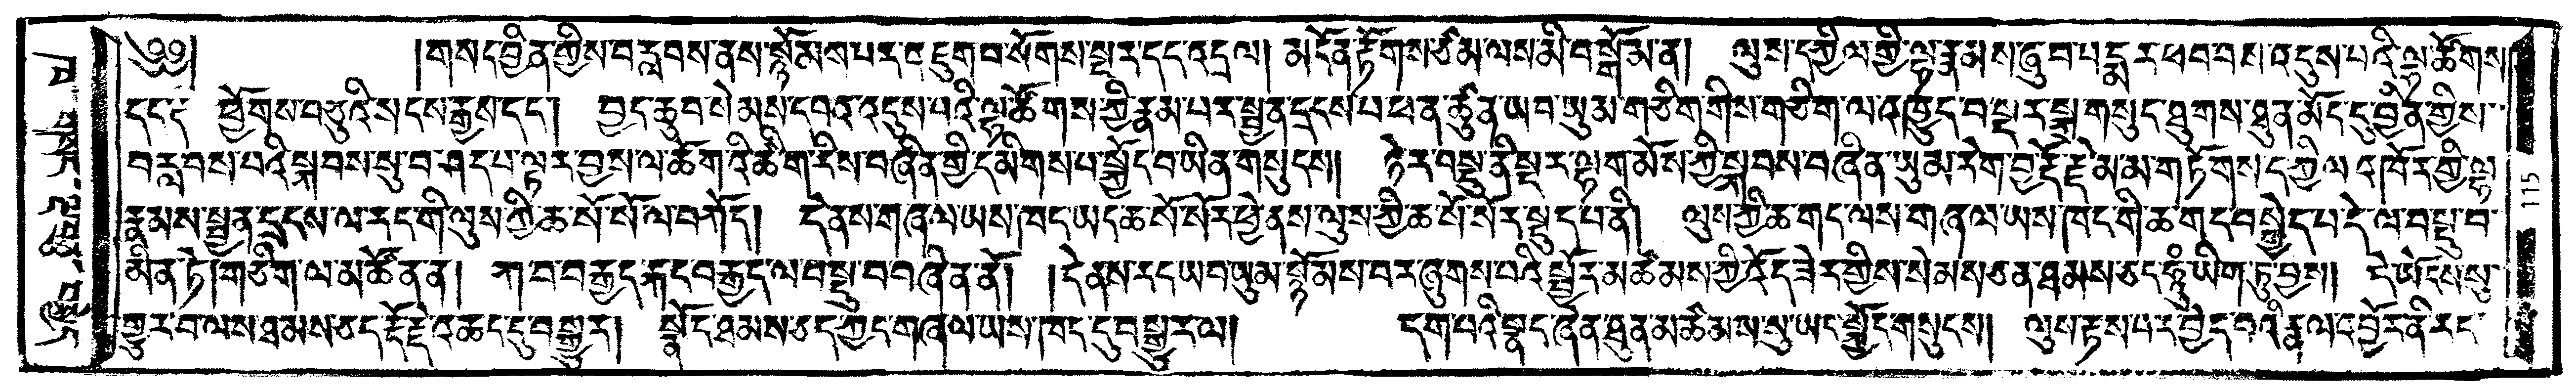༄༅། །གསང་བྱིན་གྱིས་བརླབས་ནས་སྙོམས་པར་འཇུག་པ་སོགས་སྔར་དང་འདྲ་ལ། མངོན་རྟོགས་ཙམ་ལས་མི་བསྒོམ་ན། ལུས་དཀྱིལ་གྱི་ལྷ་རྣམས་ཞུ་བ་པདམར་ཕབ་བས་འདུས་པའི་ལྷ་ཚོགས་
དང༑ ཕྱོགས་བཅུའི་སངས་རྒྱས་དང་། བྱང་ཆུབ་སེམས་དཔའ་འདུས་པའི་ལྷ་ཚོགས་ཀྱི་རྣམ་པར་སྤྱན་དྲངས་པ་ཕན་ཚུན་ཡབ་ཡུམ་གཅིག་གིས་གཅིག་ལ་འཁྱུད་བ་སྔར་སྐུ་གསུང་ཐུགས་ཐུན་མོང་དུ་བྱིན་གྱིས་
བརླབས་པའི་སྐབས་སུ་བཤད་པ་ལྟར་བྱས་ལ་ཆོ་གའི་ཚིག་རིས་བཞིན་གྱི་དམིགས་པ་སྐྱོང་བ་ཡིན་གསུངས། ཉེར་བསྡུ་ནི་སྔར་ལྷག་མོས་ཀྱི་སྐབས་བཞིན་ཡུམ་རེག་བྱ་རྡོ་རྗེ་མ་མ་གཏོགས་དཀྱིལ་འཁོར་གྱི་ལྷ་
རྣམས་སྤྱན་དྲངས་ལ་རང་གི་ལུས་ཀྱི་ཆ་སོ་སོ་ལ་བཀོད། དེ་ནས་གཞལ་ཡས་ཁང་ཡང་ཆ་སོ་སོར་ཕྱེ་ནས་ལུས་ཀྱི་ཆ་སོ་སོར་སྡུད་པ་ནི། ལུས་ཀྱི་ཆ་གང་ལས་གཞལ་ཡས་ཁང་གི་ཆ་གང་བསྐྱེད་པ་དེ་ལ་བསྡུ་བ་
མིན་ཏེ། གཅིག་ལ་མཚོན་ན། ཀ་བ་བརྒྱད་རྐང་བརྒྱད་ལ་བསྡུ་བ་བཞིན་ནོ། །དེ་ནས་རང་ཡབ་ཡུམ་སྙོམས་བར་ཞུགས་པའི་སྦྱོར་མཚམས་ཀྱི་འོད་ཟེར་གྱིས་སེམས་ཅན་ཐམས་ཅད་ཧཱུཾ་ཡིག་ཏུ་བྱས། དེ་ཡོངས་སུ་
གྱུར་བ་ལས་ཐམས་ཅད་རྡོ་རྗེ་འཆང་དུ་བསྒྱུར། སྣོད་ཐམས་ཅད་ཀྱང་གཞལ་ཡས་ཁང་དུ་བསྒྱུར་ལ། དག་པའི་སྣང་ཞེན་ཐུན་མཚམས་སུ་ཡང་སྐྱོང་གསུངས། ལུས་རྟས་པར་བྱེད་བའི་རྣལ་འབྱོར་ནི་རང་